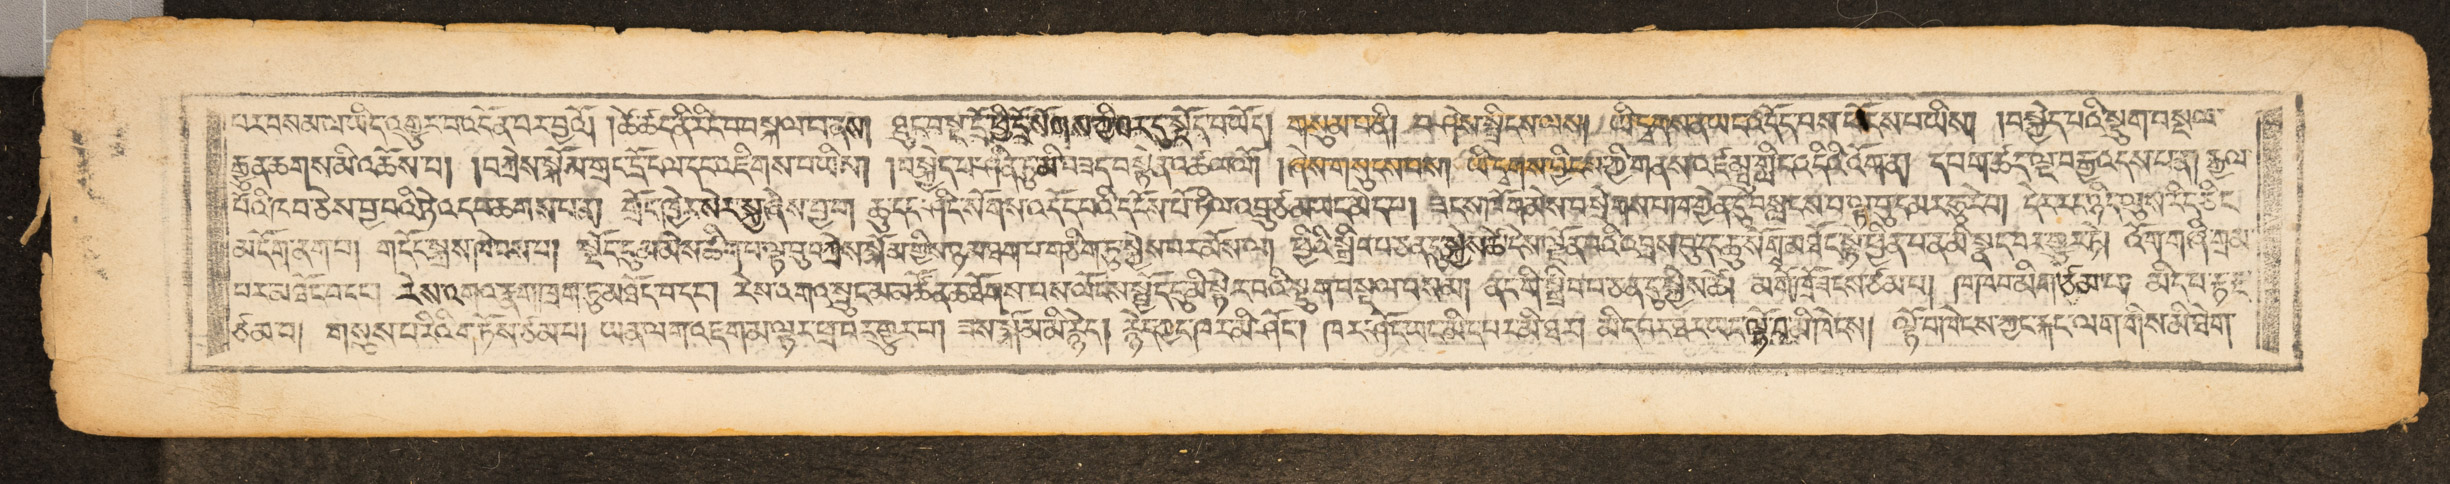བར་བསམ་ལ་ཡིད་འགྱུར་བ་འདོན་པར་བྱའོ། །ཚེ་ཚད་ནི་རིང་བ་བསྐལ་པ་ནས། ཐུང་བ་སྔ་དྲོ་ཕྱི་དྲོ་སོགས་ཀྱི་བར་དུ་སྡོད་པ་ཡོད། གསུམ་པ་ནི། བཤེས་སྤྲིངས་ལས། ཡི་དྭགས་ན་ཡང་འདོད་བས་ཕོངས་པ་ཡིས། །བསྐྱེད་པའི་སྡུག་བསྔལ་
རྒྱུན་ཆགས་མི་འཆོས་པ། །བཀྲེས་སྐོམ་གྲང་དྲོ་ངལ་དང་འཇིགས་པ་ཡིས། །བསྐྱེད་པ་ཤིན་ཏུ་མི་བཟད་བསྟེན་འཚལ་ལོ། །ཞེས་གསུངས་པས། ཡི་དྭགས་བྱིངས་ཀྱི་གནས་འཛམ་བུ་གླིང་འདིའི་འོག་ན། དཔག་ཚད་ལྔ་བརྒྱ་འདས་པ་ན། རྒྱལ་
པོའི་ཁབ་ཅེས་བྱ་བའི་ཉེ་འདབ་ཆགས་པ་ན། གྲོང་ཁྱེར་སེར་སྐྱ་ཞེས་བྱ་བ། ཆུ་དང་ཤིང་སོགས་འདོད་པའི་དངོས་པོ་ཏིལ་འབྲུ་ཙམ་ཡང་མེད་པ། ཟངས་ཁོག་མེས་བསྲེགས་པ་ཁ་གྱེན་དུ་བསླངས་པ་ལྟ་བུར་མར་ཧུ་རེ་བ། དེར་རང་ཉིད་ལུས་རིང་ཅིང་
མདོག་ནག་པ། གདོང་སྐྲས་ཁེབས་པ། སྡོད་དུམ་མེས་ཚིག་པ་ལྟ་བུ་བཀྲེས་སྐོམ་གྱིས་ཉམ་ཐག་པ་གཅིག་ཏུ་སྐྱེས་པར་མོས་ལ། ཕྱིའི་སྒྲིབ་པ་ཅན་དུ་སྐྱེས་ཚེ་དེས་ལྗོན་པའི་འབྲས་བུ་དང་ཆུ་སོགས་མཐོང་སྟེ་ཕྱིན་པ་ནམ་སྣང་བར་གྱུར་ཏེ། འོག་གཞི་གམ་
པར་མཐོང་བ་དང་། རེས་འགའ་རྣག་ཁྲག་ཏུ་མཐོང་བ་དང་། རེས་འགའ་སྲུང་མ་མཚོན་ཆ་ཐོགས་པས་ལོངས་སྤྱོད་དུ་མི་སྟེར་བའི་སྡུག་བསྔལ་བསམ། ནང་གི་སྒྲིབ་པ་ཅན་དུ་སྐྱེས་ཚེ། མགོ་ཁྲོ་ཟངས་ཙམ་པ། ཁ་ཁབ་མིག་ཙམ་པ། མིད་པ་རྟ་རྔ་
ཙམ་པ། གསུས་པ་རིའི་གཏོས་ཙམ་པ། ཡན་ལག་འཇག་མ་ལྟར་ཕྲ་བར་གྱུར་པ། ཟས་སྐོམ་མི་རྙེད། རྙེད་ཀྱང་ཁར་མི་ཤོང་། ཁར་ཤོང་ཡང་མིད་པར་མི་ཐར། མིད་པར་ཐར་ཡང་ལྟོ་བ་མི་ཁེངས། ལྟོ་བ་ཁེངས་ཀྱང་རྐང་ལག་གིས་མི་ཐེག་